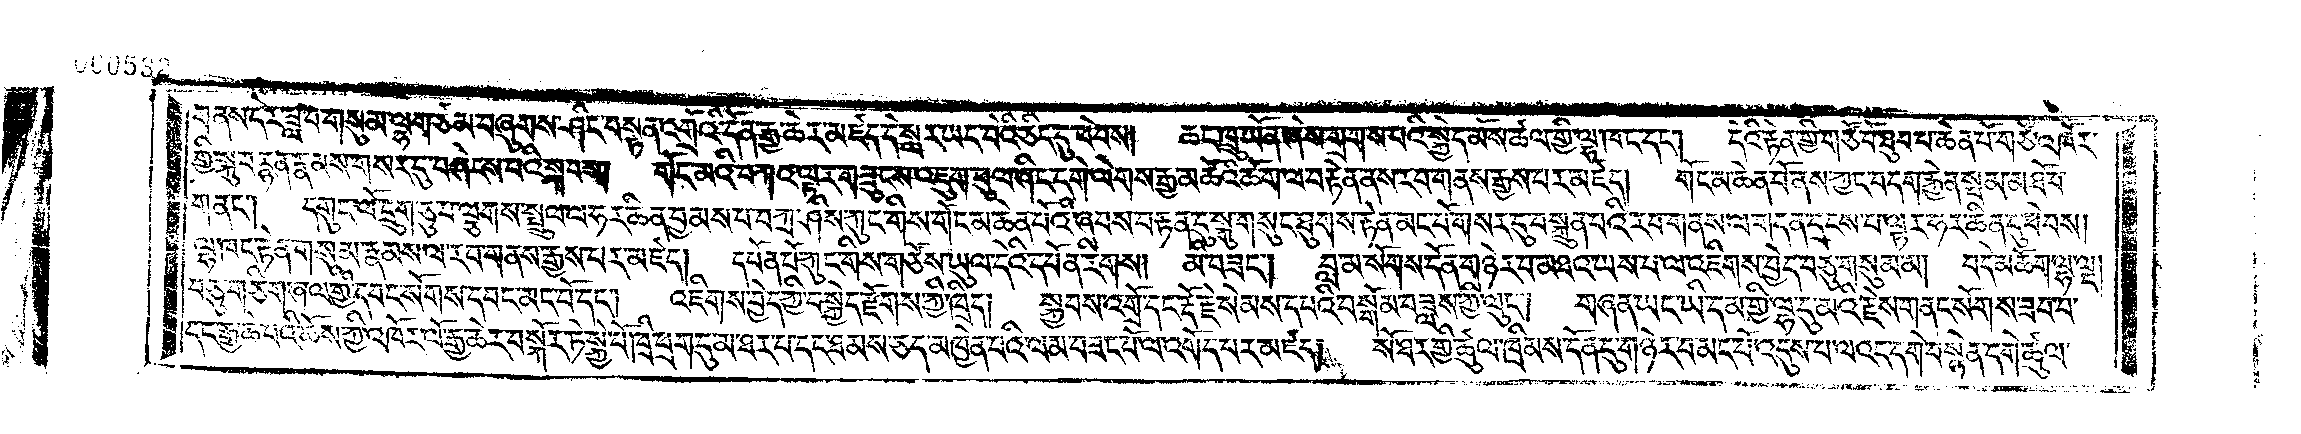གནས་དེར་ཟླ་བ་གསུམ་ལྷག་ཙམ་བཞུགས་ཤིང་བསྟན་འགྲོའི་དོན་རྒྱ་ཆེར་མཛད་དེ་སླར་ཡང་པེའི་ཅིང་དུ་ཕེབས། ཆང་ཁྲུ་ཡོན་ཞེས་གྲགས་པའི་སྐྱེད་མོས་ཚལ་གྱི་ལྷ་ཁང་དང་། དེའི་རྟེན་གྱི་གཙོ་བོ་ཐུབ་པ་ཆེན་པོ་གཙོ་འཁོར་
གྱི་སྐུ་བརྙན་རྣམས་གསར་དུ་བཞེངས་པའི་སྐབས། གོང་མའི་བཀའ་ལྟར་གཟུངས་འཇུག་ཕུལ་ཞིང་དགེ་ལེགས་རྒྱ་མཚོའི་ཆོ་ག་ལ་བརྟེན་ནས་རབ་གནས་རྒྱས་པར་མཛད། གོང་མ་ཆེན་པོ་ནས་ཀྱང་བདག་རྐྱེན་སྤམ་མཐོ་བ་
གནང་། དགུང་ལོ་དྲུག་ཅུ་པ་ལྕགས་སྤྲུལ་ལ་ཧར་ཆིན་བྱམས་པ་བཀྲ་ཤིས་ཀུང་གིས་གོང་མ་ཆེན་པོའི་ཞབས་བརྟན་དུ་སྐུ་གསུང་ཐུགས་རྟེན་མང་པོ་གསར་དུ་བསྐྲུན་པའི་རབ་གནས་ལ་གདན་དྲངས་པ་ལྟར་ཧར་ཆིན་དུ་ཕེབས།
ལྷ་ཁང་རྟེན་གསུམ་རྣམས་ལ་རབ་གནས་རྒྱས་པར་མཛད། དཔོན་པོ་ཀུང་གིས་གཙོས་ཡུལ་དེའི་དཔོན་རིགས། མི་བཟང་། བླ་མ་སོགས་དོན་གཉེར་བ་མཐའ་ཡས་པ་ལ་འཇིགས་བྱེད་བཅུ་གསུམ་མ། བདེ་མཆོག་ལྷ་ལྔ།
བཅུ་གཅིག་ཞལ་གྱི་དབང་སོགས་དབང་མང་པོ་དང་། འཇིགས་བྱེད་ཀྱི་བསྐྱེད་རྫོགས་ཀྱི་ཁྲིད། སྐྱབས་འགྲོ་དང་རྡོ་རྗེ་སེམས་དཔའི་བསྒོམ་བཟླས་ཀྱི་ལུང་། གཞན་ཡང་ཡི་དམ་གྱི་ལྷ་དུ་མའི་རྗེས་གནང་སོགས་ཟབ་པ་
དང་རྒྱ་ཆེ་བའི་ཆོས་ཀྱི་འཁོར་ལོ་རྒྱ་ཆེར་བསྐོར་ཏེ་སྐྱེ་པོ་ཁྲི་ཕྲག་དུ་མ་ཐར་པ་དང་ཐམས་ཅད་མཁྱེན་པའི་ལམ་བཟང་པོ་ལ་འགོད་བར་མཛད༑ སོ་ཐར་གྱི་ཚུལ་ཁྲིམས་དོན་དུ་གཉེར་བ་མང་པོ་འདུས་པ་ལའང་དགེ་བསྙེན་དགེ་ཚུལ་